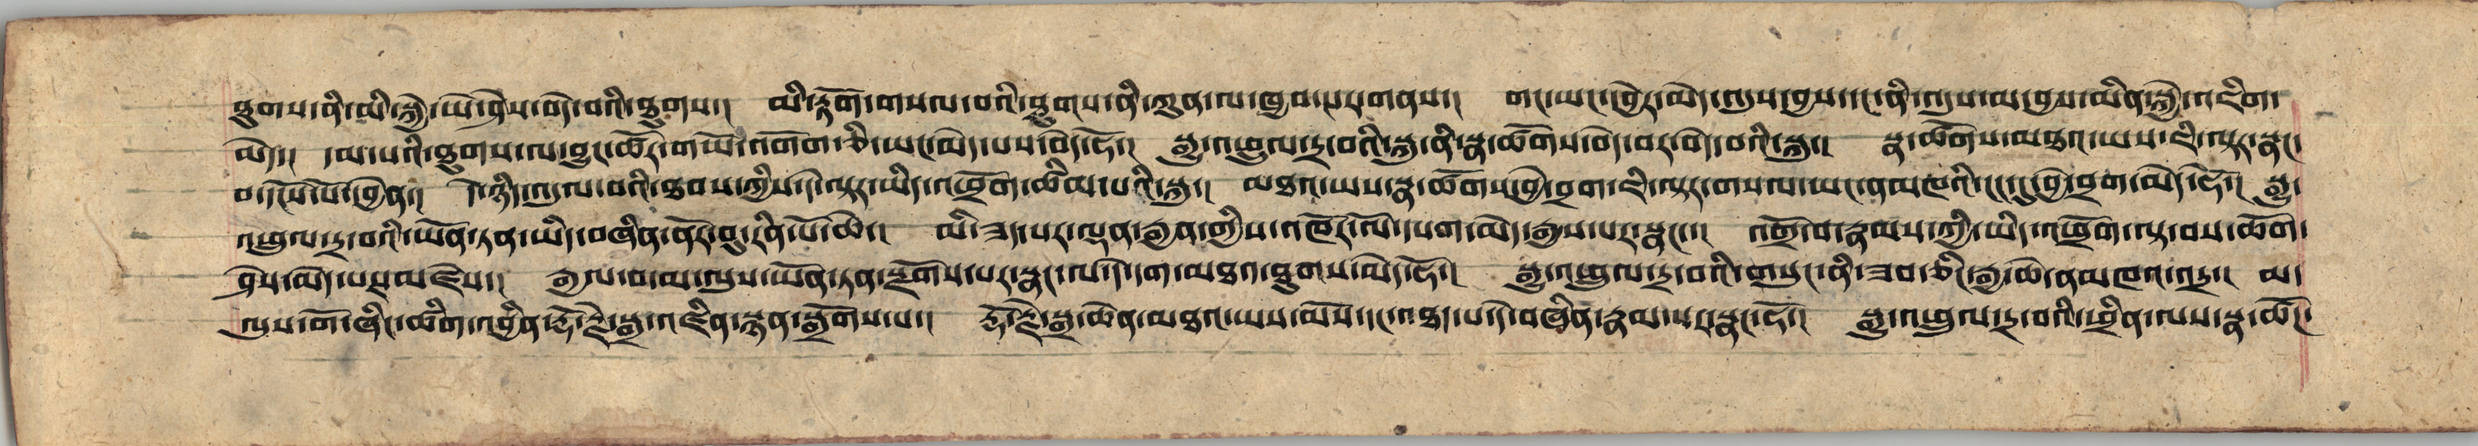ཐུགས་ནི་མི་སྐྱེ་ཡེ་ཤེས་བདེ་བའི་ཐུགས་། མི་རྟོག་གསལ་བའི་ཐུགས་ནི་ཀུན་ལ་ཁྱབ་པར་གནས་། གང་ཡང་དབྱེར་མེད་འདུས་བྱས་དང་ནི་འདུས་མ་བྱས་མིན་སྐྱེ་འཇིག་
མེད་། དམ་པའི་ཐུགས་ལ་བྱུང་ཚོར་གཡོ་འགོག་ཅི་ཡང་མེད་པས་བདེ་ཧོ་། སྒྱུ་འཕྲུལ་དྲ་བའི་སྐུ་ནི་སྣ་ཚོགས་བདེ་བར་བདེ་བའི་སྐུ་། སྣ་ཚོགས་མཐའ་ཡས་ཇི་ལྟར་སྣང་
བ་དངོས་པོ་དབྱེན་། དེ་ཉིད་འདུལ་བའི་ཐབས་ཀྱིས་དེ་ལྟར་ཡིད་འཕྲོག་ཚིམ་པའི་སྐུ་། མཐའ་ཡས་སྣ་ཚོགས་བྱེ་བྲག་ཇི་ལྟར་གསལ་ཡང་ནམཁའི་ངང་དུ་བྱེ་བྲག་མེད་ཧོ་། སྒྱུ་
འཕྲུལ་དྲ་བའི་ཡོན་ཏན་ཡིད་བཞིན་ནོར་བུ་རིན་པོ་ཆེ་། མི་ཟད་སར་ལྡན་རྒྱན་གྱིས་འཁོར་ལོ་དཔག་མེད་རྒྱས་པར་སྣང་་། འགྲོ་བ་རྣམས་ཀྱི་ཡིད་འཕྲོག་ལྟ་བས་ཆོག་
ཤེས་མེད་པར་མཛེས་། རྒྱལ་བ་མ་ལུས་ཡོན་ཏན་སྫོགས་པར་སྣང་ལ་དེ་དག་མཐའ་ཐུགས་མེད་ཧོ་། སྒྱུ་འཕྲུལ་དྲ་བའི་གསུང་ནི་ཟབ་ཅིང་རྒྱ་ཆེ་ནམཁའ་འདྲ་། མ་
ལུས་གོ་ཞིང་ཚིག་འབྱིན་རྡོ་རྗེ་སྒྲ་འཛིན་སྙན་སྒྲོགས་པ་། རྡོ་རྗེ་སྒྲ་ཆེན་མཐའ་ཡས་མོས་དང་འཐད་པ་དེ་བཞིན་རྣམ་པར་སྣང་ཧོ་། སྒྱུ་འཕྲུལ་དྲ་བའི་ཕྲིན་ལས་སྣ་ཚོཌ་